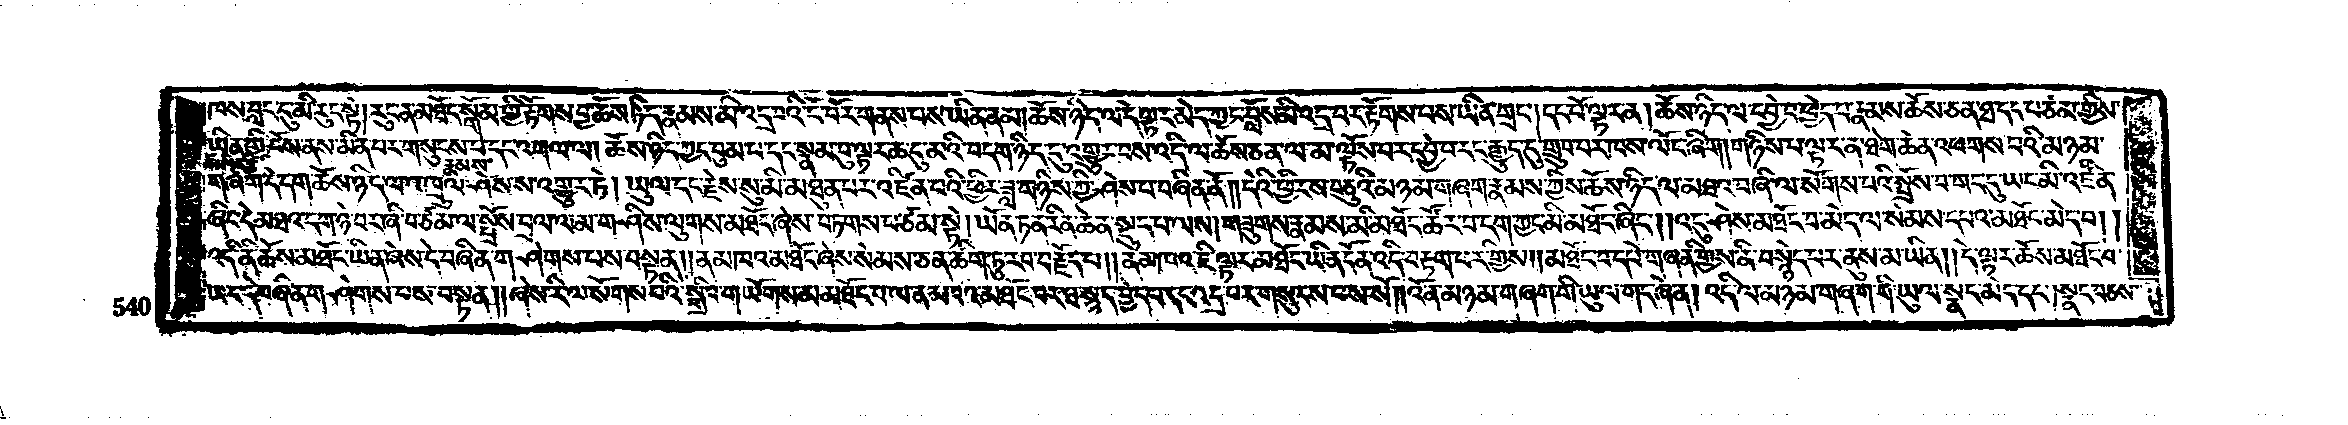ཁས་བླང་དུ་མི་རུང་སྟེ། རུང་ན་མཐོང་སྒོམ་གྱི་རྟོགས་བྱ་ཆོས་ཉིད་རྣམས་མི་འདྲ་བའི་ངོ་བོར་གནས་པས་ཡིན་ནམ། ཆོས་ཉིད་ལ་དེ་ལྟར་མེད་ཀྱང་བློས་མི་འདྲ་བར་རྟོགས་པས་ཡིན་གྲང་། དང་པོ་ལྟར་ན། ཆོས་ཉིད་ལ་དབྱེ་བ་ཕྱེད་པ་རྣམས་ཆོས་ཅན་ཐ་དད་པ་ཙམ་གྱིས་
ཡིན་གྱི་ངོས་ནས་མིན་པར་གསུངས་པ་རྣམས་དང་འགལ་ལ། ཆོས་ཉིད་ཀྱང་བུམ་པ་དང་སྣམ་བུ་ལྟར་ཆ་དུ་མའི་བདག་ཉིད་དུ་འགྱུར་བས་འདི་ལ་ཆོས་ཅན་ལ་མ་ལྟོས་པར་དབྱེ་བ་རང་རྒྱུད་དུ་གྲུབ་པར་ཁས་ལོར་ཞིག །གཉིས་པ་ལྟར་ན་ཐེག་ཆེན་འཕགས་པའི་མཉམ་
གཞག་དེ་དག་ཆོས་ཉིད་ལ་འཁྲུལ་ཤེས་སུ་འགྱུར་ཏེ། ཡུལ་དང་རྗེས་སུ་མི་མཐུན་པར་འཛིན་པའི་ཕྱིར་ཟླ་གཉིས་ཀྱི་ཤེས་པ་བཞིན་ནོ། །དེའི་ཕྱིར་ས་བཅུའི་མཉམ་གཞག་རྣམས་ཀྱིས་ཆོས་ཉིད་ལ་མཐའ་བཞི་ལ་སོགས་པའི་སྤྲོས་པ་གང་དུ་ཡང་མི་འཛིན་
ཞིང་དེ་མཐའ་དག་ཉེ་བར་ཞི་བ་ཙམ་ལ་སྤྲོས་བྲལ་ལམ་གཤིས་ལུགས་མཐོང་ཞེས་བཏགས་པ་ཙམ་སྟེ། ཡོན་ཏན་རིན་ཆེན་སྡུད་པ་ལས། གཟུགས་རྣམས་མི་མཐོང་ཚོར་བ་དག་ཀྱང་མི་མཐོང་ཞིང་། །འདུ་ཤེས་མཐོང་བ་མེད་ལ་སེམས་དཔའ་མཐོང་མེད་པ། །
འདི་ནི་ཆོས་མཐོང་ཡིན་ཞེས་དེ་བཞིན་གཤེགས་པས་བསྟན། །ནམ་མཁའ་མཐོང་ཞེས་སེམས་ཅན་ཚིག་ཏུ་རབ་བརྗོད་པ། །ནམ་མཁའ་ཇི་ལྟར་མཐོང་ཡིན་དོན་འདི་བརྟག་ཕར་གྱིས། །མཐོང་བ་དཔེ་གཞན་གྱིས་ནི་བསྙེད་པར་ནུས་མ་ཡིན། །དེ་ལྟར་ཆོས་མཐོང་བ་
ཡང་དེ་བཞིན་གཤེགས་པས་བསྟན། །ཞེས་རི་ལ་སོགས་པའི་སྒྲིབ་གཡོགས་མ་མཐོང་བ་ལ་ནམ་མཁའ་མཐོང་བར་ཐ་སྙད་བྱེད་པ་དང་འདྲ་བར་གསུངས་པས་སོ། །འོ་ན་མཉམ་གཞག་གི་ཡུལ་གང་ཞེ་ན། འདི་ལ་མཉམ་གཞག་གི་ཡུལ་སྣང་མེད་དང་། སྣང་བཅས་